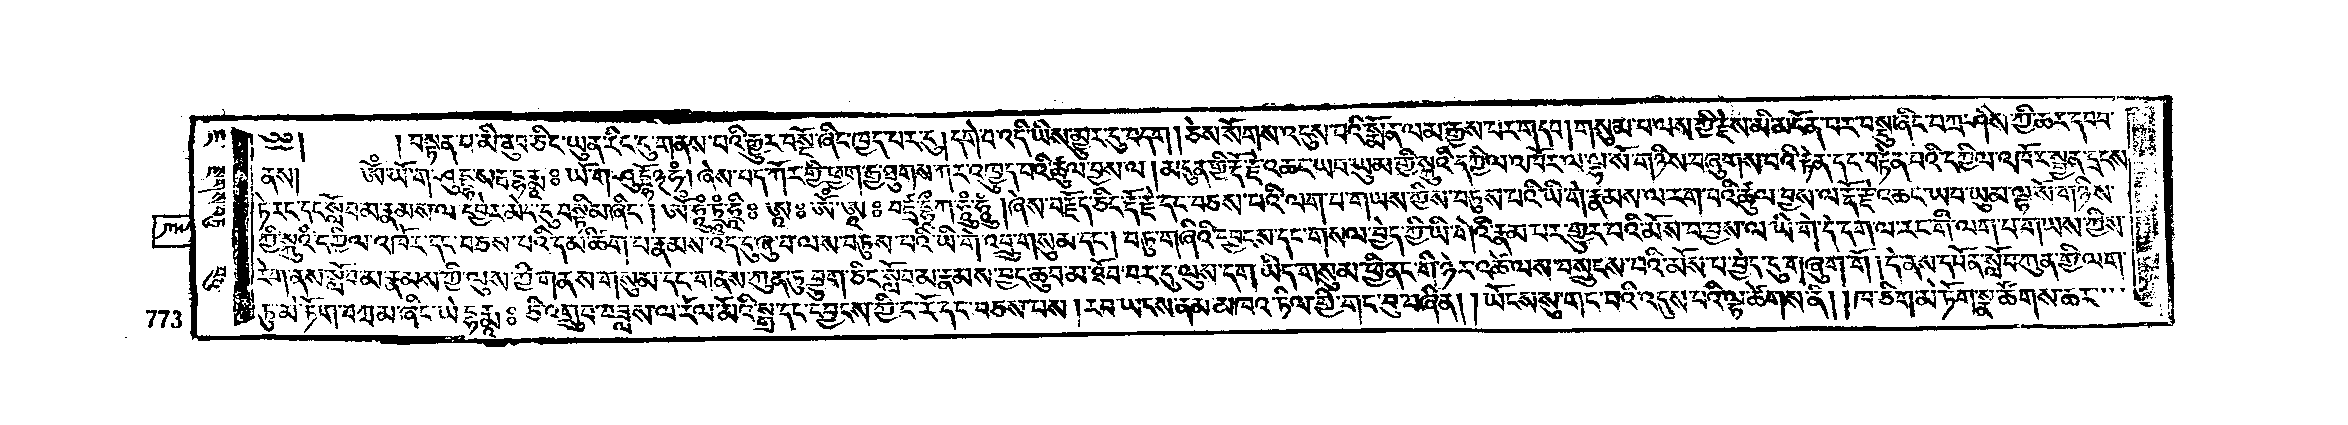༄༅། །བསྟན་པ་མི་ནུབ་ཅིང་ཡུན་རིང་དུ་གནས་པའི་རྒྱུར་བསྔོ་ཞིང་ཁྱད་པར་དུ། དགེ་བ་འདི་ཡིས་མྱུར་དུ་བདག །ཅེས་སོགས་མ་བཏུ་ཞིང་བྱིན་གྱིས་རློབ་པའི་ཚུལ་ནི། ངེས་དོན་གྱི་ཨོཾ་ཡིག་ལ་ཨ་དང་ཨུ་དང་མ་གསུམ་ཡོད་པ་
ལས༑ རྡོ་རྗེ་ཕྲེང་བ་ལས། ཨ་ནི་ཆོས་འཁོར་པདམར་གནས། །རླུང་གི་འཁོར་ལོ་ལ་ནི་ཁྱབ། །འདི་ཉིད་ཁོ་ན་རླུང་ཆེན་པོ། །སྲོག་ཅེས་བྱ་བ་ཐམས་ཅད་གསུངས། །ཞེས་ཨོཾ་ཡིག་གི་ཡི་ཏེ་གསུམ་གྱི་ཨཱི་ངེས་དོན་ནི། སྙིང་ག་ཅྱོས་ཀྱི་འཁོར་ལོའི་
པདམར་གནས་པའི་ཨ་ཡིག་ལ་བཤད་དོ། །ཨུ་ཡིག་ནི་ཕྲེང་བའི་འགྱུར་དག་པ་ལས། ཨུ་ནི་ལཽངས་སྤྱོད་འཁོར་ལོར་གནས། །མེ་དང་ཉི་མ་འདྲ་བ་ཡི། །མགྲིན་པའི་མཐར་གནས་སཔཡ་དང་བཅས་པའི་ལག་པ་གཡས་ཀྱིས་བཏུས་པའི་ཡི་གེ་རྣམས་ལ་རག་པའི་ཚུལ་བྱས་ལ་རྡོ་རྗེ་འཆང་ཡབ་ཡུམ་ལྷ་སོ་གཉིས་
ཀྱི་སྐུའི་དཀྱིལ་འཁོར་དང་བཅས་པའི་དམ་ཚིག་པ་རྣམས་འོད་དུ་ཞུ་བ་ལས་བཏུས་པའི་ཡི་གེ་འབྲུ་གསུམ་དང་། བཏུ་གཞིའི་དབྱངས་དང་གསལ་བྱེད་ཀྱི་ཡི་གེའི་རྣམ་པར་གྱུར་བའི་མོས་པ་བྱས་ལ་ཡི་གེ་དེ་དག་ལ་རང་གི་ལག་པ་གཡས་ཀྱིས་
རེག་ནས་སློབ་མ་རྣམས་ཀྱི་ལུས་ཀྱི་གནས་གསུམ་དང་གནས་ཀུན་ཏུ་བྱུག་ཅིང་སློབ་མ་རྣམས་བྱང་ཆུབ་མ་ཐོབ་བར་དུ་ལུས་དག་ཡིད་གསུམ་ཕྱི་ནང་གི་ཉེར་འཚེ་ལས་བསྲུངས་པའི་མོས་པ་བྱེད་དུ་གཞུག་གོ །དེ་ནས་དཔོན་སློབ་ཀུན་གྱི་ལག་
ཏུ་མེ་ཏོག་བཀྲམ་ཞིང་ཡེ་དྷརྨའཿ ཅི་འགྲུབ་བཟླས་ལ་རོལ་མོའི་སྒྲ་དང་དབྱངས་ཀྱི་ང་རོ་དང་བཅས་པས། རབ་ཡངས་ནམ་མཁའ་ཏིལ་གྱི་གང་བུ་བཞིན། །ཡོངས་སུ་གང་བའི་འདུས་པའི་ལྷ་ཚོགས་ནི། །ཁ་ཅིག་མེ་ཏོག་སྣ་ཚོགས་ཆར་